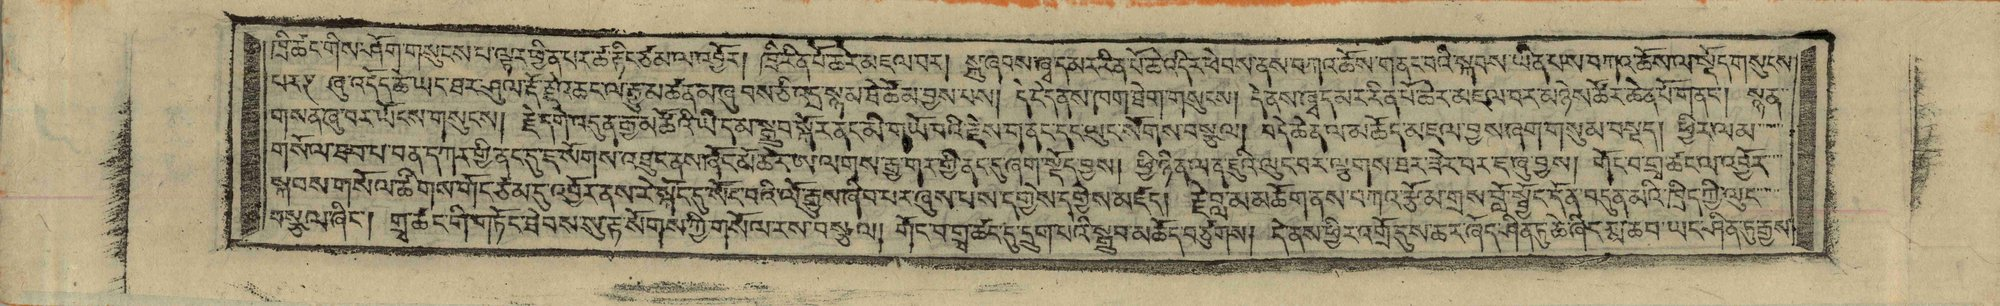ཁྲི་ཚང་གིས་ཤོག་གསུངས་པ་ལྟར་ཕྱིན་པར་ཚ་རྟིང་ཙམ་ལ་འབྱོར། ཁྲི་རིན་པོ་ཆེར་མཇལ་བར། སྐུ་ཞབས་ཞྭ་དམར་རིན་པོ་ཆེ་འདིར་ཕེབས་ནས་བཀའ་ཆོས་གནང་བའི་སྐབས་ཡིན་པས་བཀའ་ཆོས་ལ་སྡོད་གསུངས་
པར༑ ཞུ་འདོད་ཆེ་ཡང་ཐར་ཤུལ་རྡོ་རྗེ་འཆང་ལ་རྒྱུ་མཚན་མ་ཞུ་བས་ཅི་འདྲ་སྙམ་ཐེ་ཚོམ་བྱས་པས། དེ་ངེད་ནས་ཁག་ཐེག་གསུངས། དེ་ནས་ཞྭ་དམར་རིན་པོ་ཆེར་མཇལ་བར་མཉེས་ཚོར་ཆེན་པོ་གནང་། སྙན་
གསན་ཞུ་བར་ཡོངས་གསུངས། རྗེ་དགེ་འདུན་རྒྱ་མཚོའི་ཡི་དམ་སྒྲུབ་སྐོར་ནང་མི་གཡོ་བའི་རྗེས་གནང་དང་ལུང་སོགས་བསྩལ། བདེ་ཆེན་ལ་མཆོད་མཇལ་བྱས་ཞག་གསུམ་བསྡད། ཕྱིར་ལམ་
གསོལ་ཐབ་པ་བན་དཀར་གྱི་ནང་དུ་ཇ་སོགས་འཐུང་ནས་ཞོང་མོ་ཆེར་ཨ་ལགས་རྒྱ་གར་གྱི་ནང་དུ་ཞག་སྡོད་བྱས། ཕྱི་ཉིན་ལན་ཇུའི་ལུང་བར་ལྕགས་ཐར་ཟེར་བར་ཇ་ཞུ་བྱས། གོང་བ་གྲྭ་ཚང་ལ་འབྱོར་
སྐབས་གསོལ་ཚིགས་གོང་ཙམ་དུ་འབྱོར་ནས་རེ་སྐོང་དུ་སོང་བའི་ལོ་རྒྱུས་ཞིབ་པར་ཞུས་པས་དགྱེས་དགྱེས་མཛད། རྗེ་བླ་མ་མཆོག་ནས་བཀའ་རྩོམ་གྲས་བློ་སྦྱོང་དོན་བདུན་མའི་ཁྲིད་ཀྱི་ལུང་
བསྩལ་ཞིང་། གྲྭ་ཚང་གི་གཏོང་ཐེབས་སུ་རྟ་སོགས་ཀྱི་གསོལ་རས་བསྩལ། གོང་བ་གྲྭ་ཚང་དུ་དྲུག་པའི་སྒྲུབ་མཆོད་བཙུགས། དེ་ནས་ཕྱིར་འགྲོ་དུས་ཆར་ཞོད་ཤིན་ཏུ་ཆེ་ཞིང་རྨ་ཆབ་ཡང་ཤིན་ཏུ་རྒྱས་